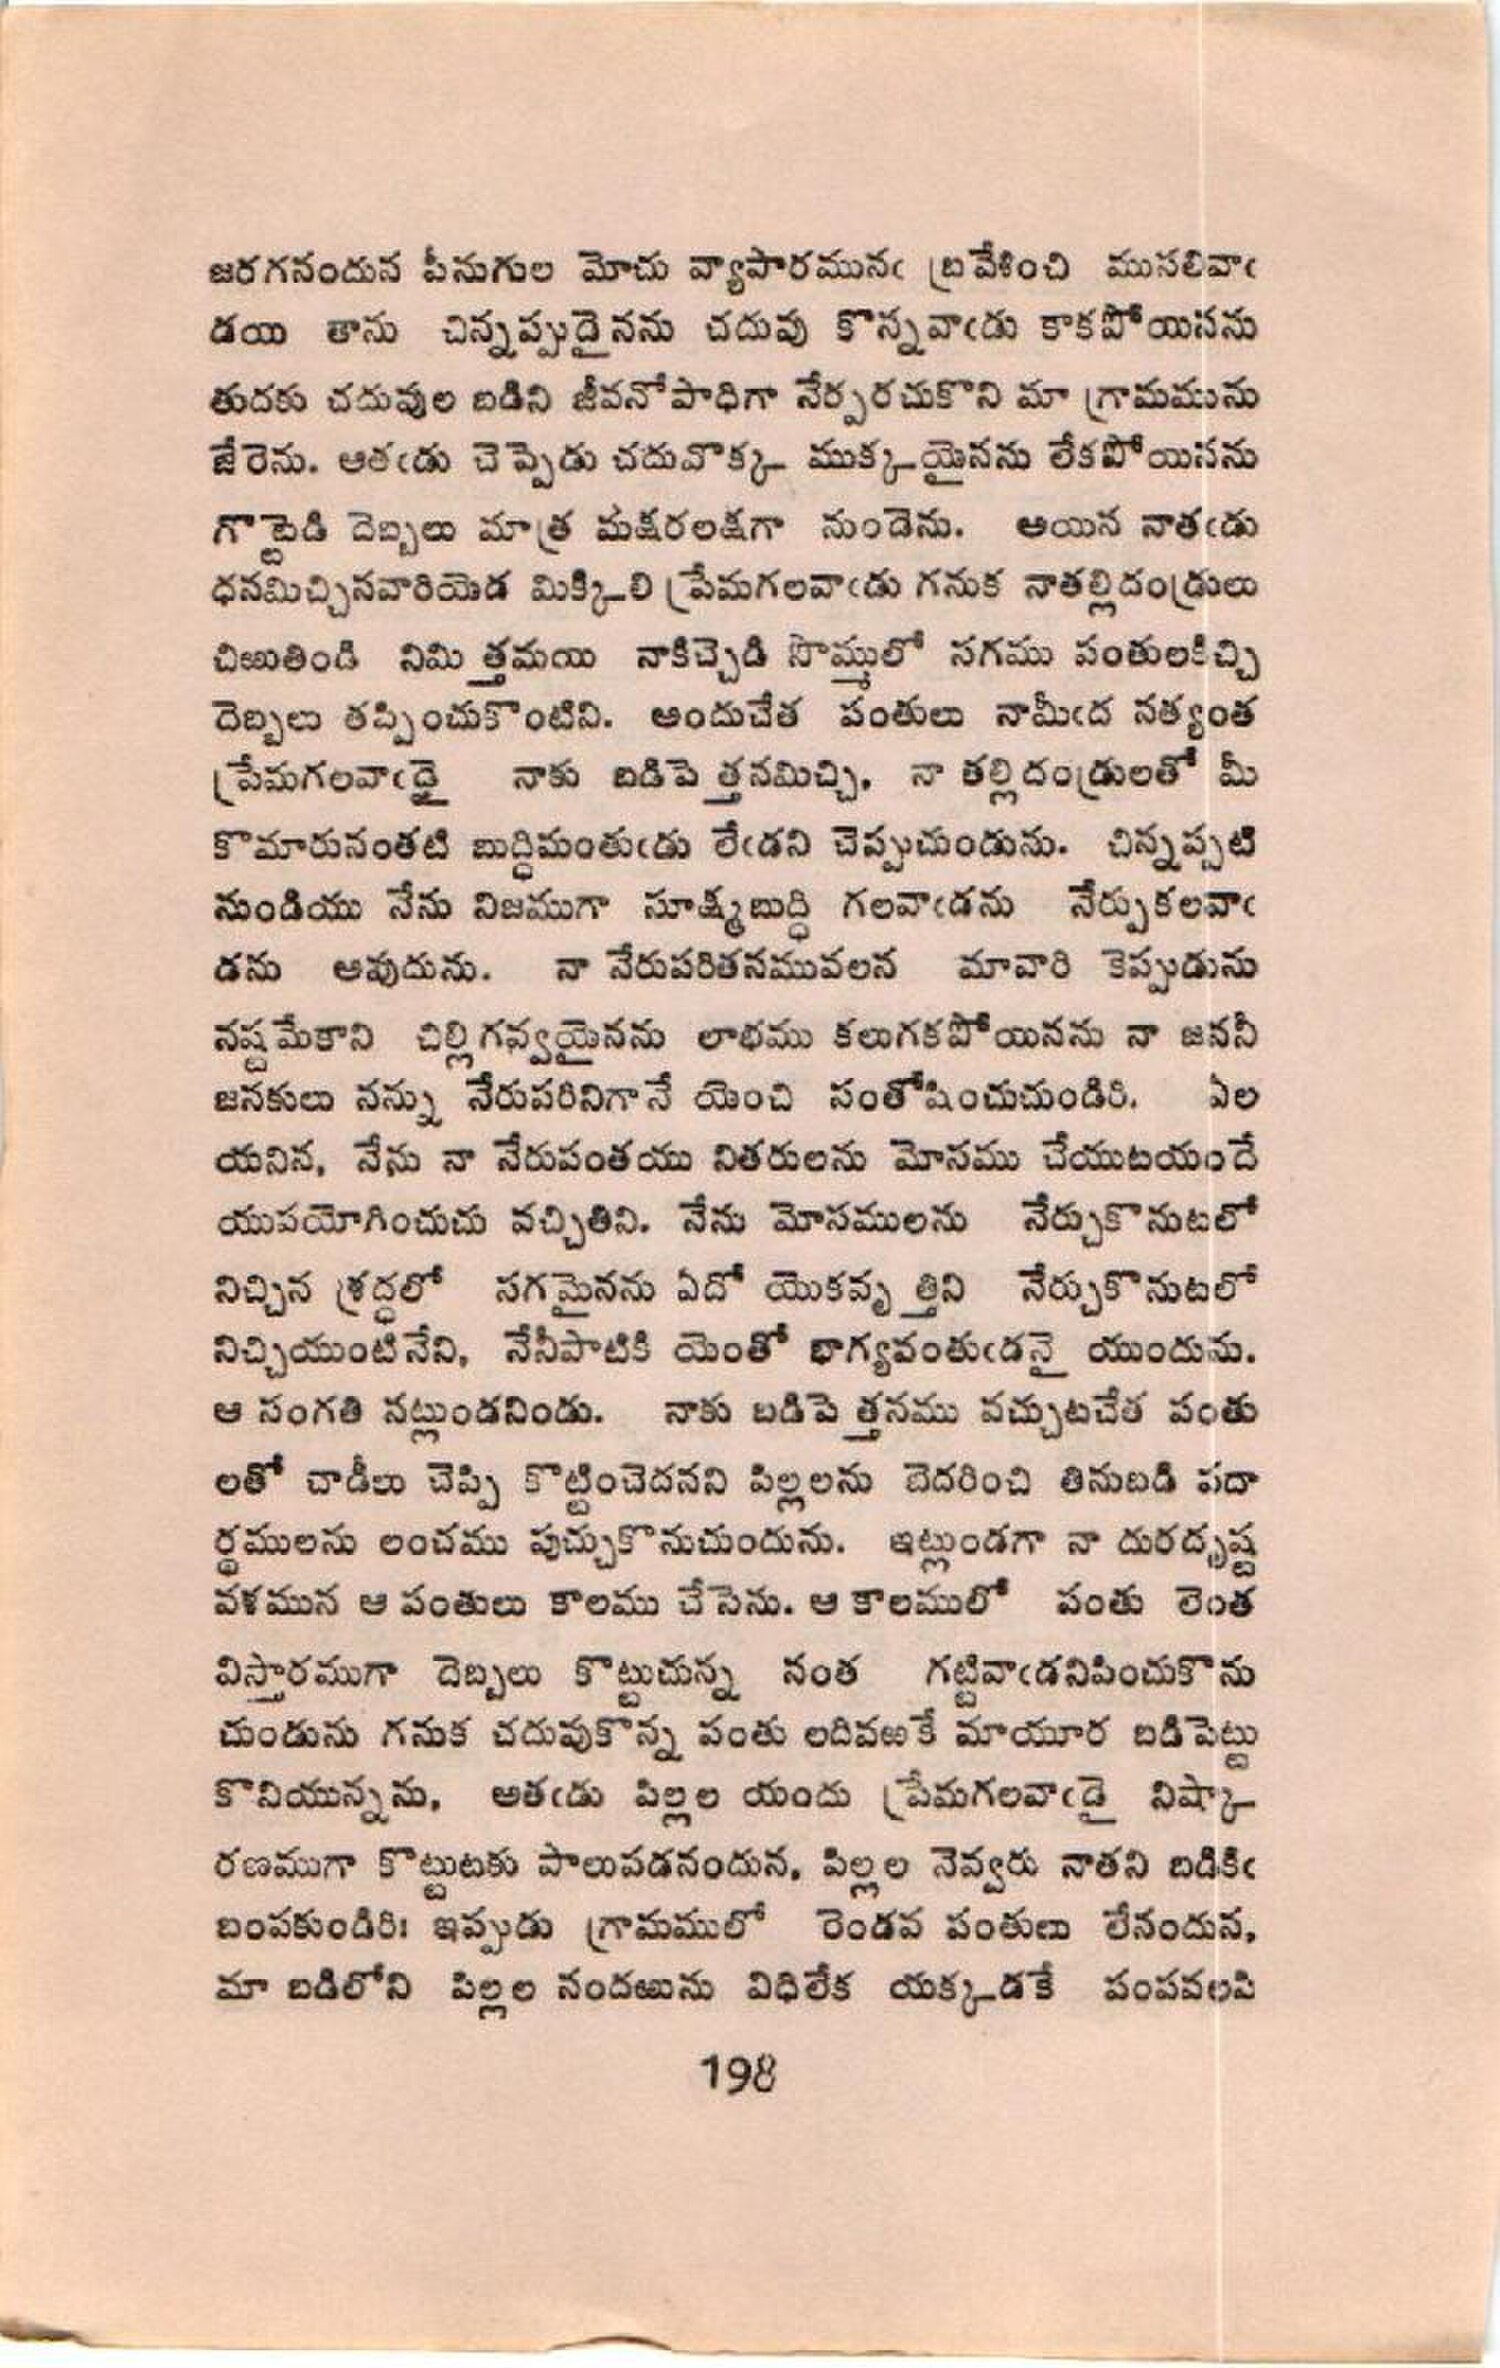జరగనందున పీనుగుల మోచు వ్యాపారమునఁ బ్రవేశించి ముసలివాఁ డయి తాను చిన్నప్పుడైనను చదువు కొన్నవాఁడు కాకపోయినను తుదకు చదువుల బడిని జీవనోపాధిగా నేర్పరచుకొని మా గ్రామమును జేరెను. ఆతఁడు చెప్పెడు చదువొక్క ముక్కయైనను లేకపోయినను గొట్టెడి దెబ్బలు మాత్ర మక్షరలక్షగా నుండెను. ఆయన నాతఁడు ధనమిచ్చినవారియెడ మిక్కిలి ప్రేమగలవాఁడు గనుక నాతల్లిదండ్రులు చిఱుతిండి నిమిత్తమయి నాకిచ్చెడి సొమ్ములో సగము పంతులకిచ్చి దెబ్బలు తప్పించుకొంటిని. అందుచేత పంతులు నామీఁద నత్యంత 
ప్రేమగలవాఁడై నాకు బడిపెత్తనమిచ్చి, నా తల్లిదండ్రులతో మీ కొమారునంతటి బుద్ధిమంతుఁడు లేఁడని చెప్పుచుండును. చిన్నప్పటి నుండియు నేను నిజముగా సూక్ష్మబుద్ధి గలవాఁడను నేర్పుకలవాఁ డను అవుదును. నా నేరుపరితనమువలన మావారి కెప్పుడును నష్టమేకాని చిల్లిగవ్వయైనను లాభము కలుగకపోయినను నా జననీ జనకులు నన్ను నేరుపరినిగానే యెంచి సంతోషించుచుండిరి. ఏల యనిన నేను నా నేరుపంతయు నితరులను మోసము చేయుటయందే యుపయోగించుచు వచ్చితిని. నేను మోసములను నేర్చుకొనుటలో నిచ్చిన శ్రద్ధలో సగమైనను ఏదో యొకవృత్తిని నేర్చుకొనుటలో నిచ్చియుంటినేని, నేనీపాటికి యెంతో భాగ్యవంతుఁడనై యుందును. ఆ సంగతి నట్లుండనిండు. నాకు బడిపెత్తనము వచ్చుటచేత పంతులతో చాడీలు చెప్పి కొట్టించెదనని పిల్లలను బెదరించి తినుబడి పదార్ధములను లంచము పుచ్చుకొనుచుందును. ఇట్లుండగా నా దురదృష్ట వశమున ఆ పంతులు కాలము చేసెను. ఆ కాలములో పంతు లెంత విస్తారముగా దెబ్బలు కొట్టుచున్న నంత గట్టివాఁడనిపించుకొను చుండును గనుక చదువుకొన్న పంతు లదివఱకే మాయూర బడిపెట్టు కొనియున్నను, అతఁడు పిల్లల యందు ప్రేమగలవాఁడై నిష్కారణముగా కొట్టుటకు పాలుపడనందున, పిల్లల నెవ్వరు నాతని బడికిఁ బంపకుండిరి. ఇప్పుడు గ్రామములో రెండవ పంతులు లేనందున, మా బడిలోని పిల్లల నందఱును విధిలేక యక్కడకే పంపవలసి